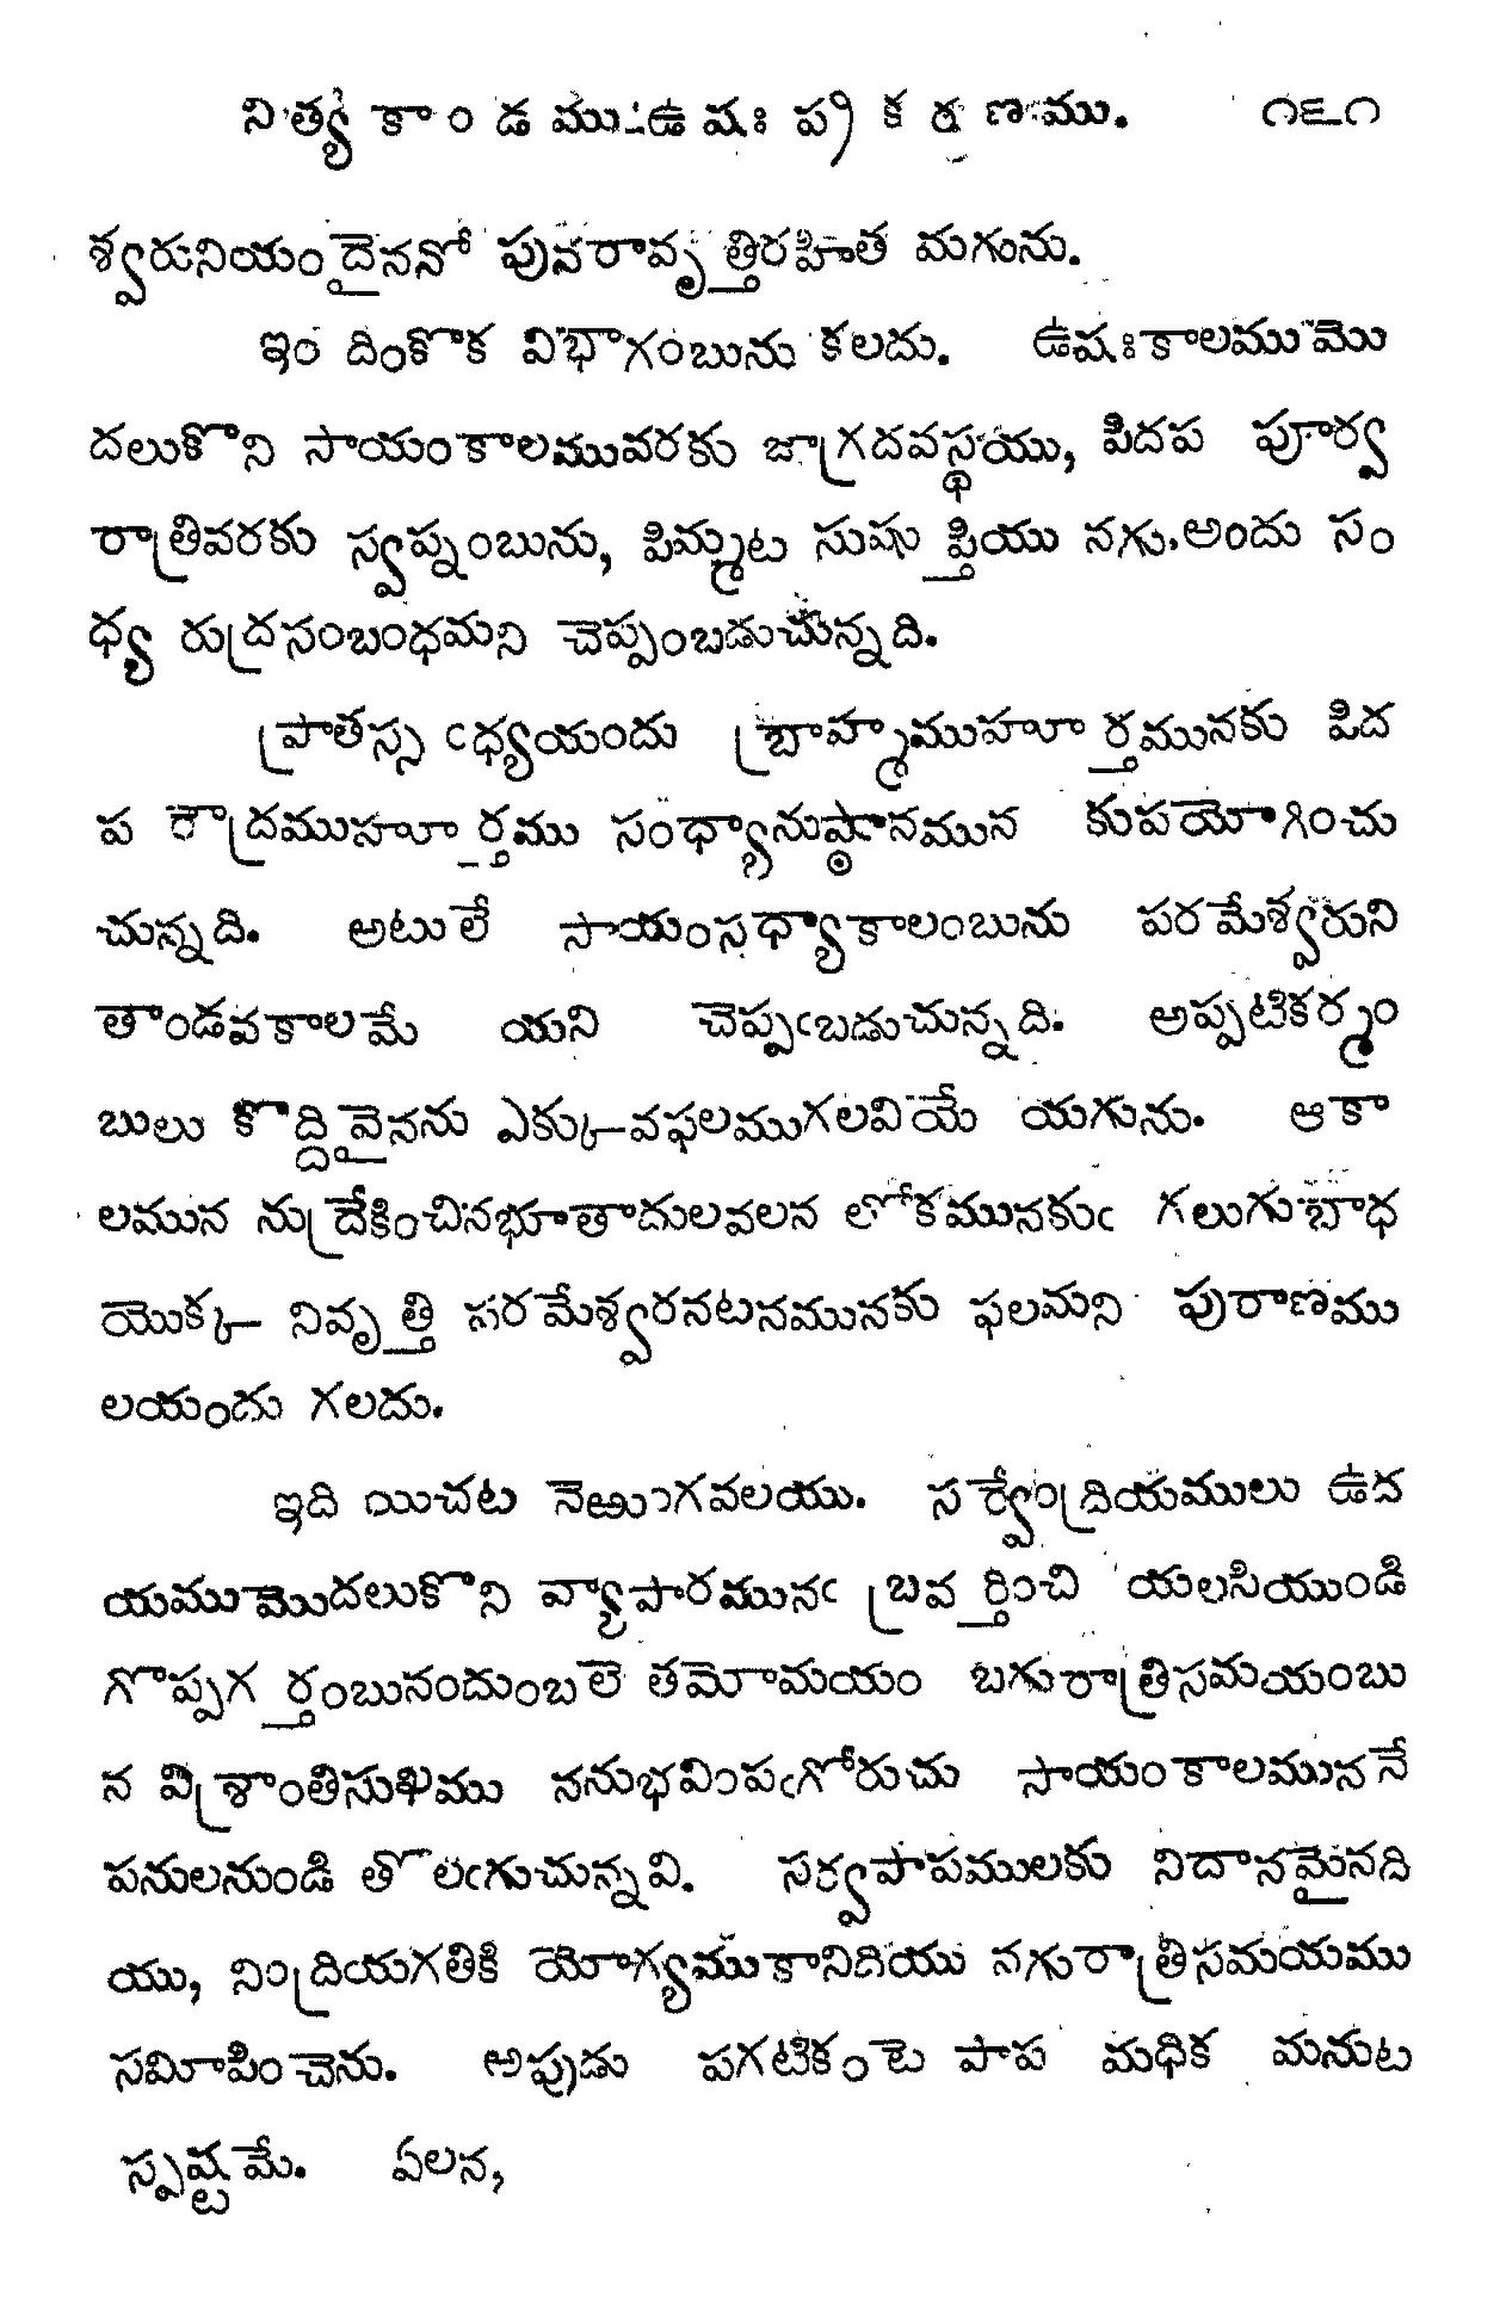శ్వరునియందైననో పునరావృత్తిరహిత మగును.

ఇం దింకొక విభాగంబును కలదు. ఉషఃకాలముమొదలుకొని సాయంకాలమువరకు జాగ్రదవస్థయు, పిదప పూర్వరాత్రివరకు స్వప్నంబును, పిమ్మట సుషుప్తియు నగు. అందు సంధ్య రుద్రసంబంధమని చెప్పంబడుచున్నది.

ప్రాతస్సంధ్యయందు బ్రాహ్మముహూర్తమునకు పిదప రౌద్రముహూర్తము సంధ్యానుష్ఠానమున కుపయోగించు
చున్నది. అటులే సాయంసధ్యాకాలంబును పరమేశ్వరుని తాండవకాలమే యని చెప్పఁబడుచున్నది. అప్పటికర్మంబులు కొద్దివైనను ఎక్కువఫలముగలవియే యగును. ఆకాలమున నుద్రేకించినభూతాదులవలన లోకమునకుఁ గలుగుబాధ యొక్క నివృత్తి పరమేశ్వరనటనమునకు ఫలమని పురాణములయందు గలదు.

ఇది యిచట నెఱుంగవలయు. సర్వేంద్రియములు ఉదయముమొదలుకొని వ్యాపారమునఁ బ్రవర్తించి యలసియుండి గొప్పగర్తంబునందుంబలె తమోమయం బగురాత్రిసమయంబున విశ్రాంతిసుఖము ననుభవింపఁగోరుచు సాయంకాలముననే పనులనుండి తొలఁగుచున్నవి. సర్వపాపములకు నిదానమైనదియు, నింద్రియగతికి యోగ్యముకానిదియు నగురాత్రీసమయము సమీపించెను. అప్పుడు పగటికంటె పాప మధిక మనుట స్పష్టమే. ఏలన,